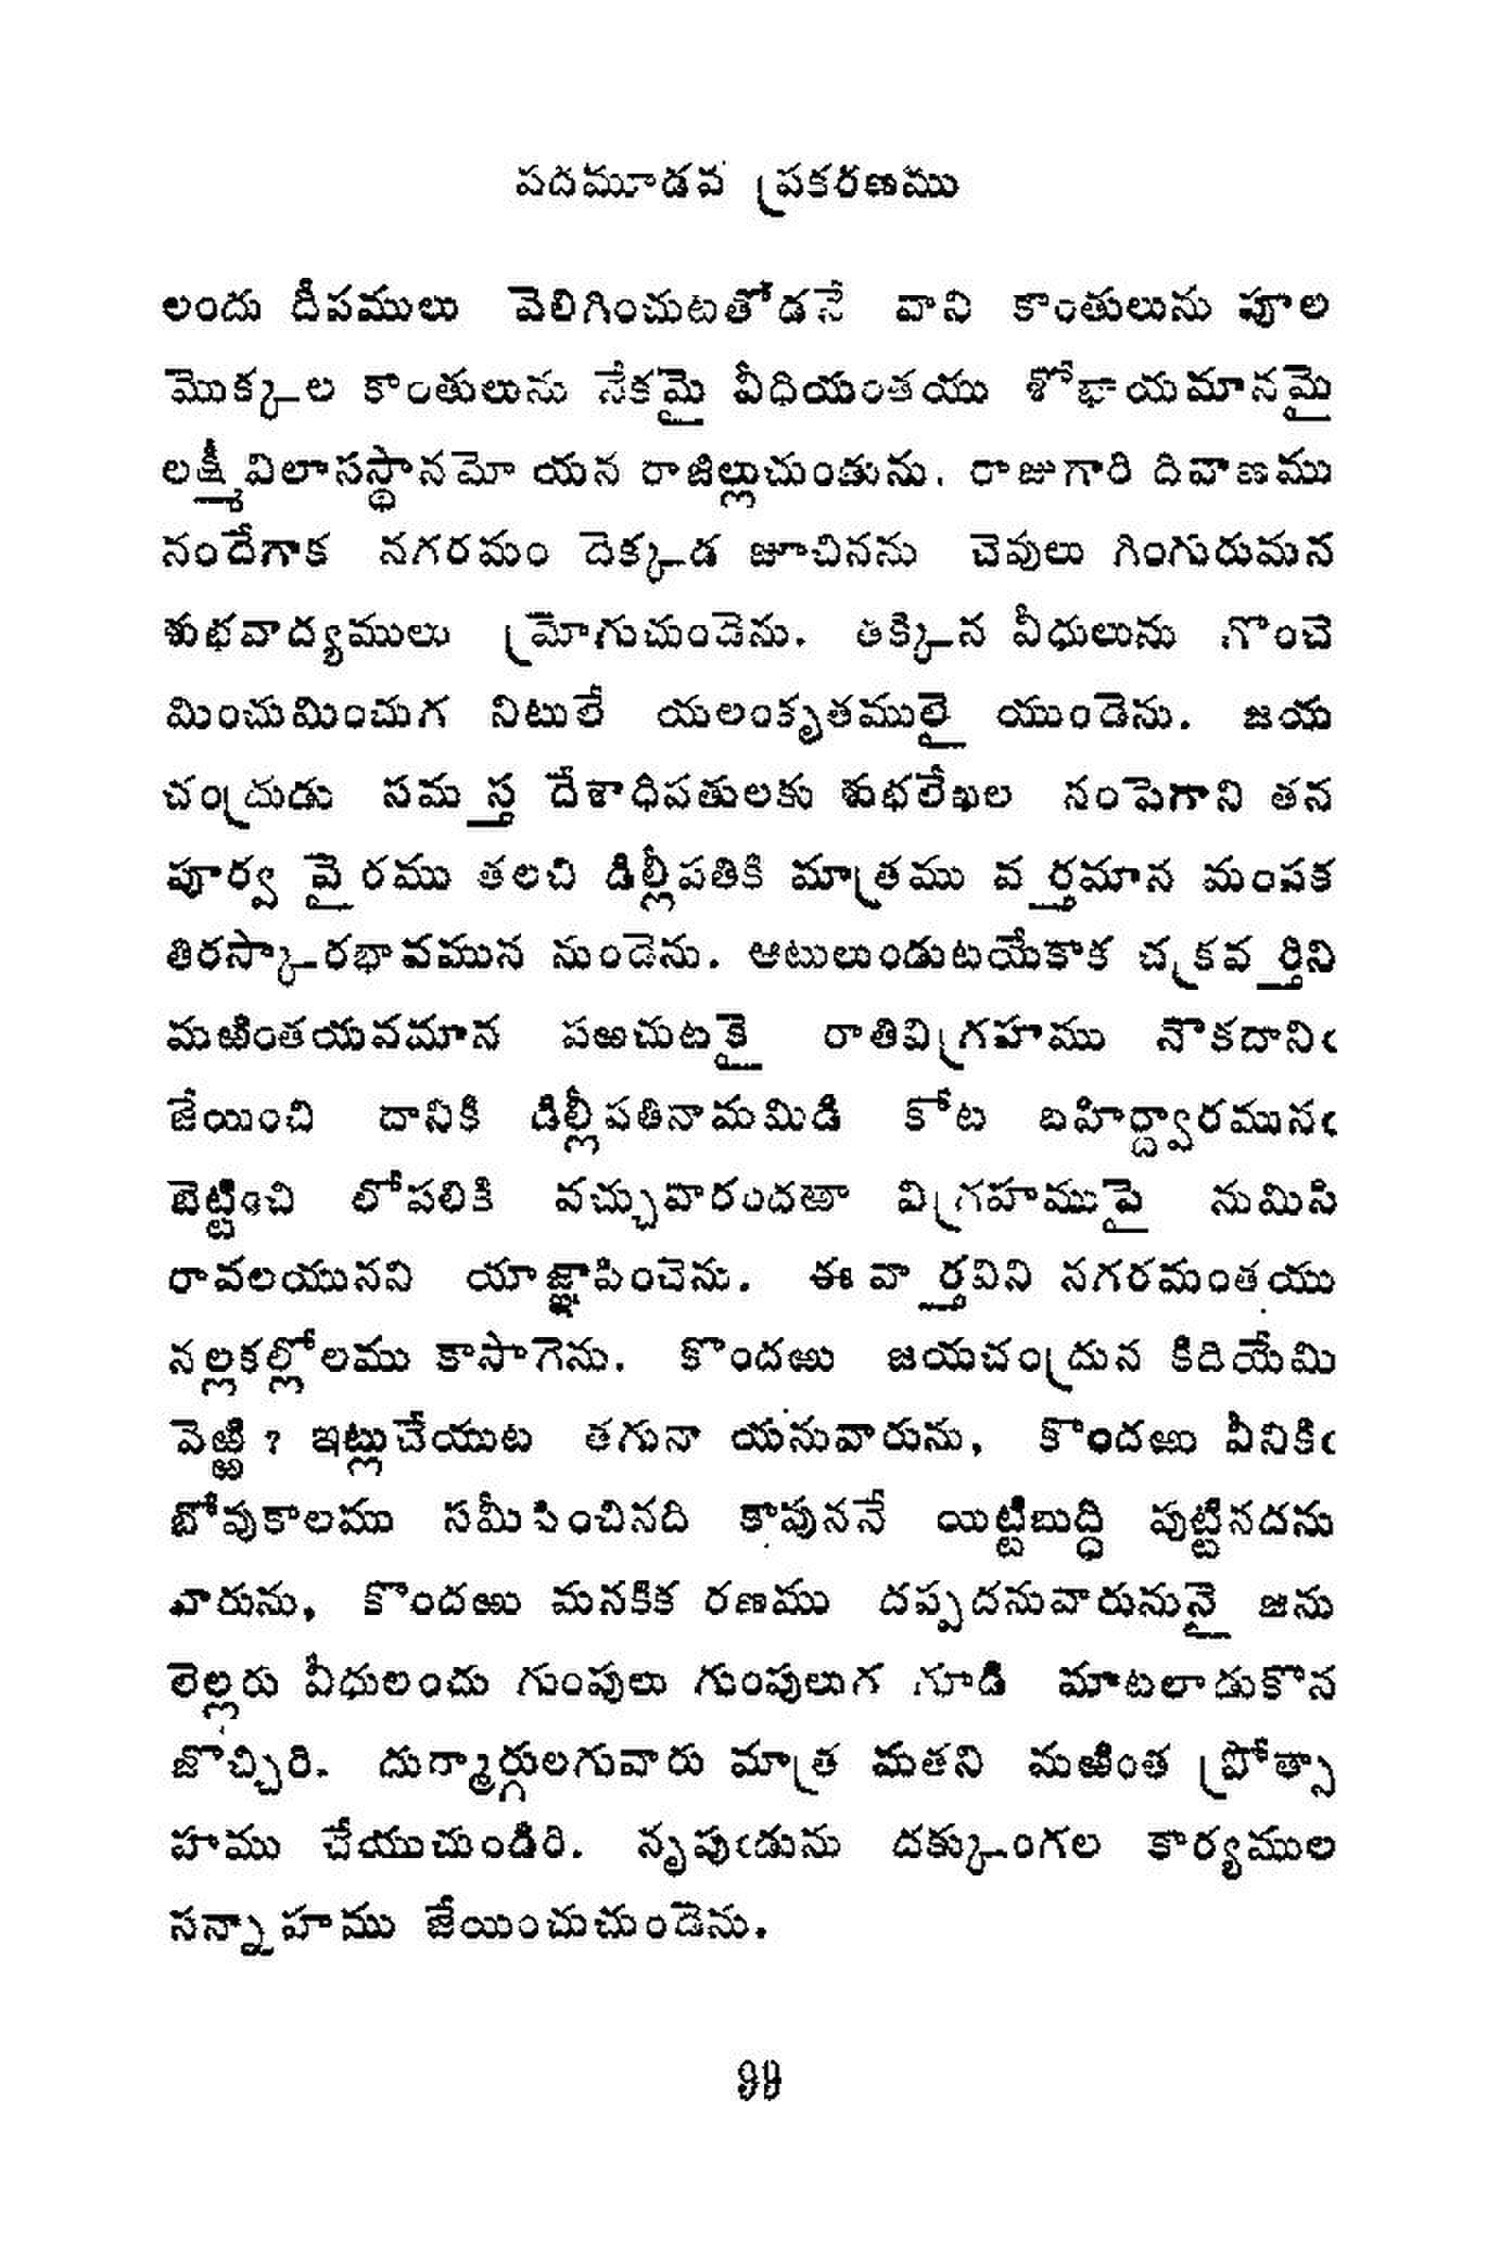లందు దీపములు వెలిగించుటతోడనే వాని కాంతులును పూలమొక్కల కాంతులును నేకమై వీధియంతయు శోభాయమానమై లక్ష్మీవిలాసస్థానమో యన రాజిల్లుచుండును. రాజుగారి దివాణము నందేగాక నగరమం దెక్కడ జూచినను చెవులు గింగురుమన శుభవాద్యములు మ్రోగుచుండెను. తక్కిన వీధులును గొంచె మించుమించుగ నిటులే యలంకృతములై యుండెను. జయచంద్రుడు సమస్త దేశాధిపతులకు శుభలేఖల సంపెగాని తన పూర్వ వైరము తలచి డిల్లీపతికి మాత్రము వర్తమాన మంపక తిరస్కారభావమున నుండెను. ఆటులుండుటయేకాక చక్రవర్తిని మఱింతయవమాన పఱచుటకై రాతివిగ్రహము నొకదానిఁ జేయించి దానికి ఢిల్లీపతినామమిడి కోట బహిర్ద్వారమునఁ బెట్టించి లోపలికి వచ్చు వారందఱా విగ్రహముపై నుమిసి రావలయునని యాజ్ఞాపించెను. ఈ వార్తవిని నగరమంతయు నల్లకల్లోలము కాసాగెను. కొందఱు జయచంద్రున కిదియేమి వెఱ్ఱి? ఇట్లుచేయుట తగునా యనువారును, కొందఱు వీనికిఁ బోవుకాలము సమీపించినది కావుననే యిట్టిబుద్ధి పుట్టినదను వారును, కొందఱు మనకిక రణము దప్పదనువారునునై జనులెల్లరు వీధులందు గుంపులు గుంపులుగ గూడి మాటలాడుకొన జొచ్చిరి. దుర్మార్గులగువారు మాత్ర మతని మఱింత ప్రోత్సాహము చేయుచుండిరి. నృపుఁడును దక్కుంగల కార్యముల సన్నాహము జేయించుచుండెను.